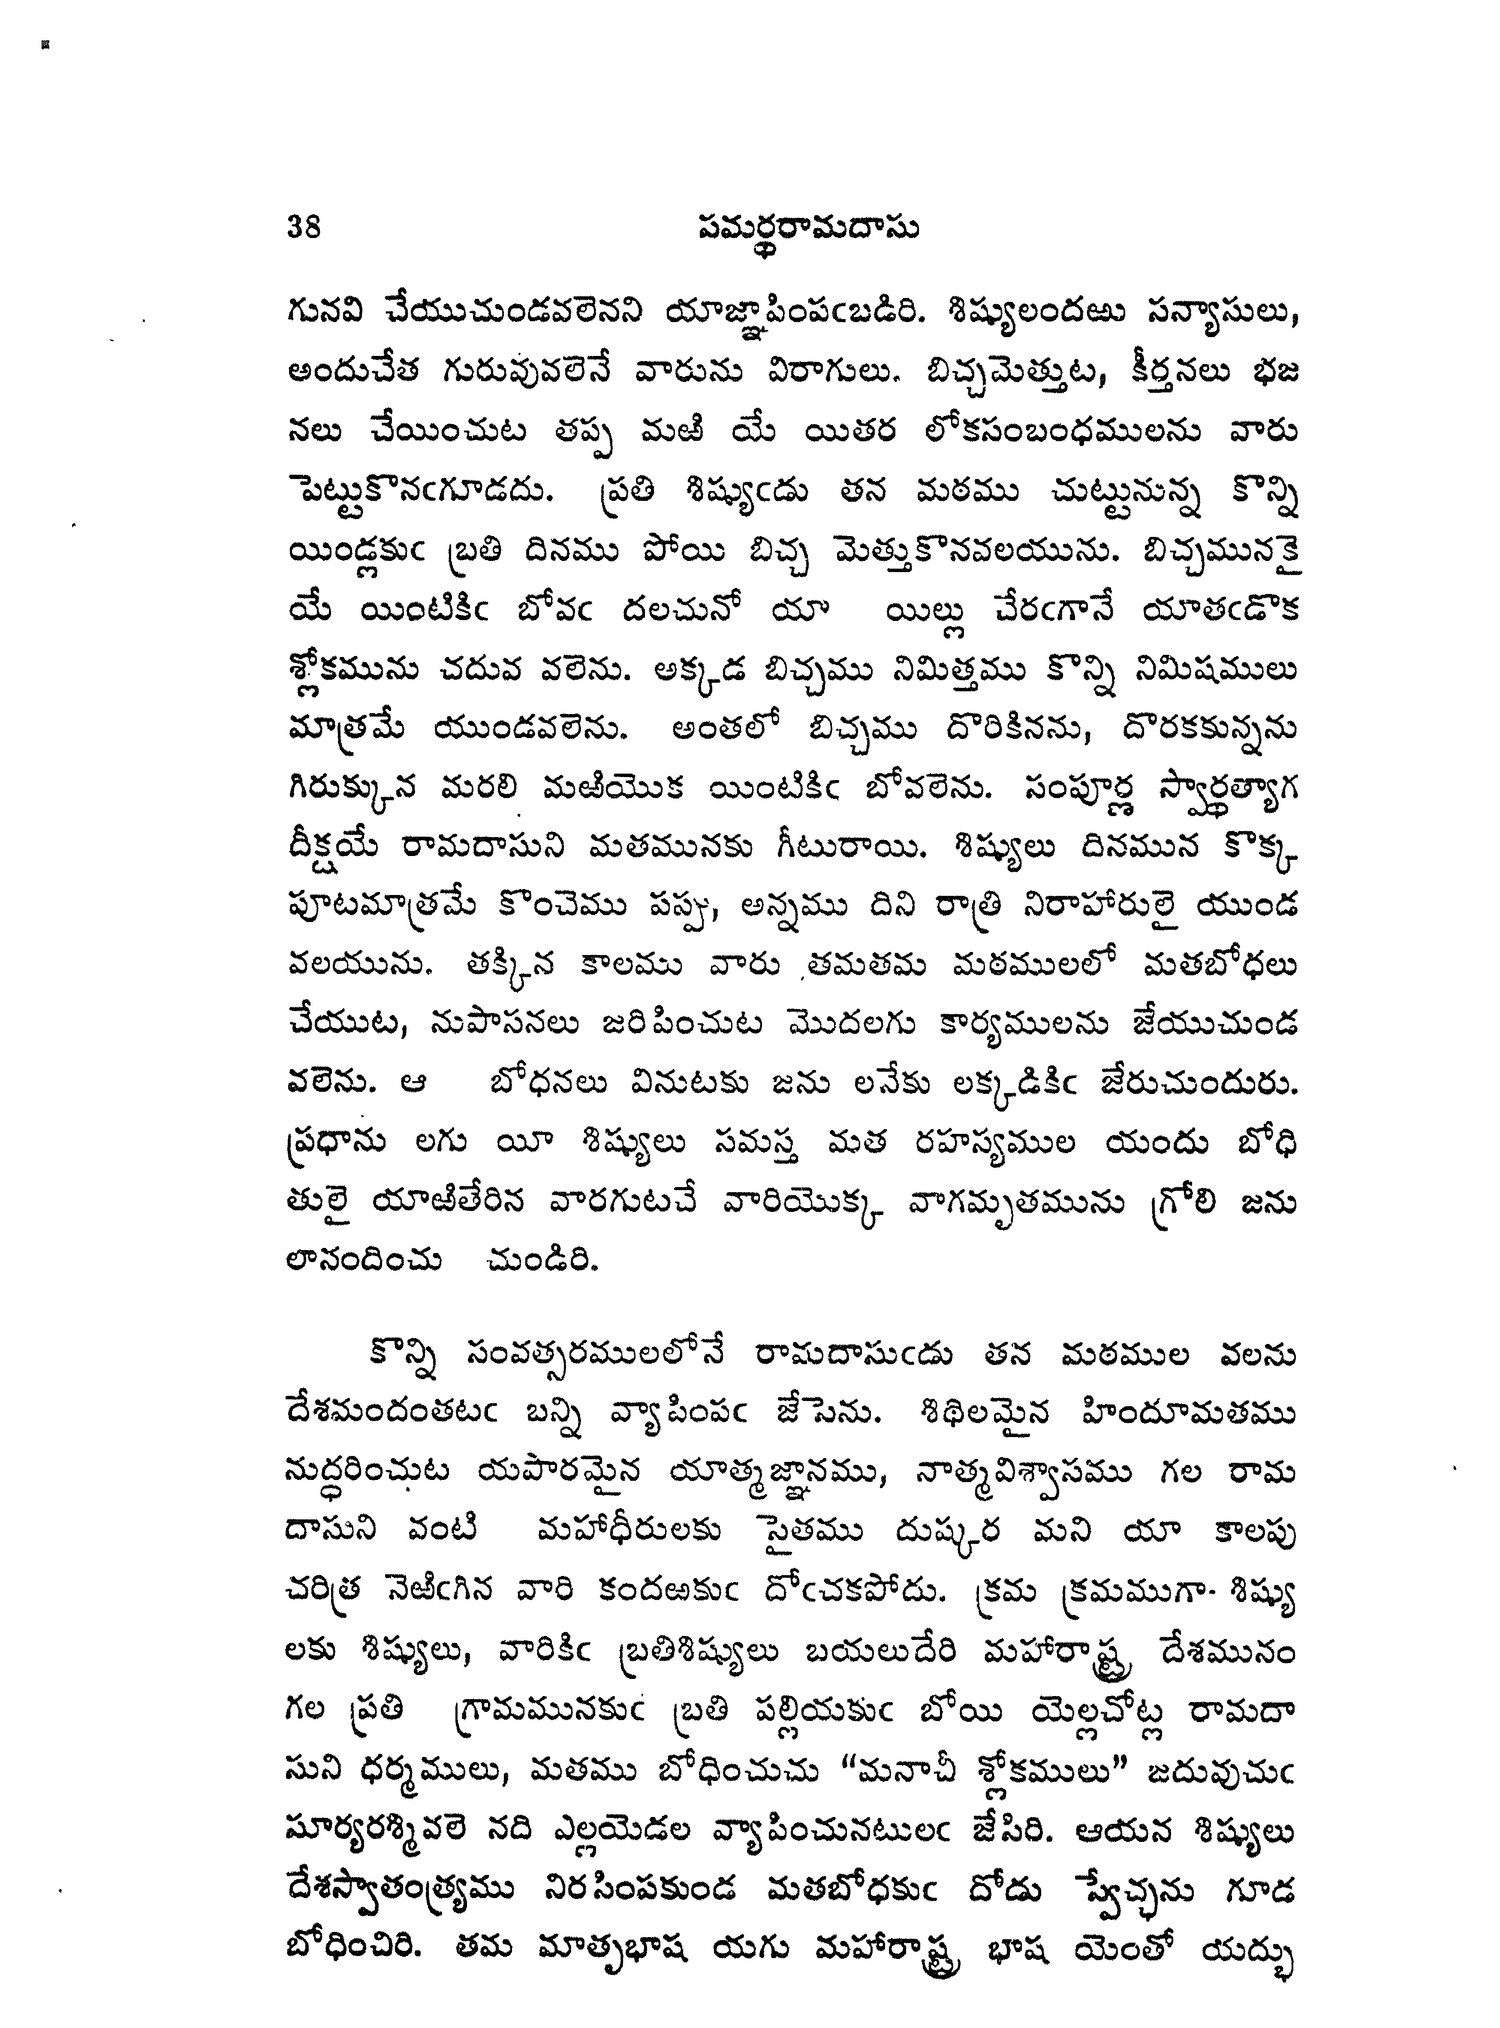గునవి చేయుచుండవలెనని యాజ్ఞాపింపబడిరి. శిష్యులందఱు సన్యాసులు, అందుచేత గురువువలెనే వారును విరాగులు, బిచ్చమెత్తుట, కీర్తనలు భజనలు చేయించుట తప్ప మఱి యే యితర లోకసంబంధములను వారు పెట్టుకొనగూడదు. ప్రతి శిష్యుడు తన మఠము చుట్టునున్న కొన్ని యిండ్లకు బ్రతి దినము పోయి బిచ్చ మెత్తుకొనవలయును, బిచ్చమునకై యే యింటికి బోవ దలచునో యా యిల్లు చేరగానే యాతడొక శ్లోకమును చదువ వలెను. అక్కడ బిచ్చము నిమిత్తము కొన్ని నిమిషములు మాత్రమే యుండవలెను. అంతలో బిచ్చము దొరికినను, దొరకకున్నను గిరుక్కున మరలి మఱియొక యింటికి బోవలెను. సంపూర్ణ స్వార్థత్యాగ దీక్షయే రామదాసుని మతమునకు గీటురాయి. శిష్యులు దినమున కొక్క పూటమాత్రమే కొంచెము పప్పు, అన్నము దిని రాత్రి నిరాహారులై యుండవలయును. తక్కిన కాలము వారు తమతమ మఠములలో మతబోధలు చేయుట, నుపాసనలు, జరిపించుట మొదలగు కార్యములను జేయుచుండ వలెను. ఆ బోధనలు వినుటకు జను లనేకు లక్కడికి జేరుచుందురు. ప్రధాను లగు యీ శిష్యులు సమస్త మత రహస్యముల యందు బోధితులై యాఱితేరిన వారగుటచే వారియొక్క వాగమృతమును గ్రోలి జను లానందించు చుండిరి.

కొన్ని సంవత్సరములలోనే రామదాసుడు తన మఠముల వలను దేశమందంతట బన్ని వ్యాపింప జేసెను. శిథిలమైన హిందూమతము నుద్దరించుట యపారమైన యాత్మజ్ఞానము, నాత్మవిశ్వాసము గల రామదాసుని వంటి మహాధీరులకు సైతము దుష్కర మని యా కాలపు చరిత్ర నెఱిగిన వారి కందఱకు దోచకపోదు. క్రమ క్రమముగా శిష్యులకు శిష్యులు, వారికి బ్రతిశిష్యులు బయలుదేరి మహారాష్ట్ర దేశమునం గల ప్రతి గ్రామమునకు బ్రతి పల్లియకు బోయి యెల్లచోట్ల రామదాసుని ధర్మములు, మతము బోధించుచు "మనాచీ శ్లోకములు" జదువుచు సూర్యరశ్మివలె నది ఎల్లయెడల వ్యాపించునటుల జేసిరి. ఆయన శిష్యులు దేశస్వాతంత్ర్యము నిరసింపకుండ మతబోధకు దోడు స్వేచ్ఛను గూడ బోధించిరి. తమ మాతృభాష యగు మహారాష్ట్ర భాష యెంతో యద్భు